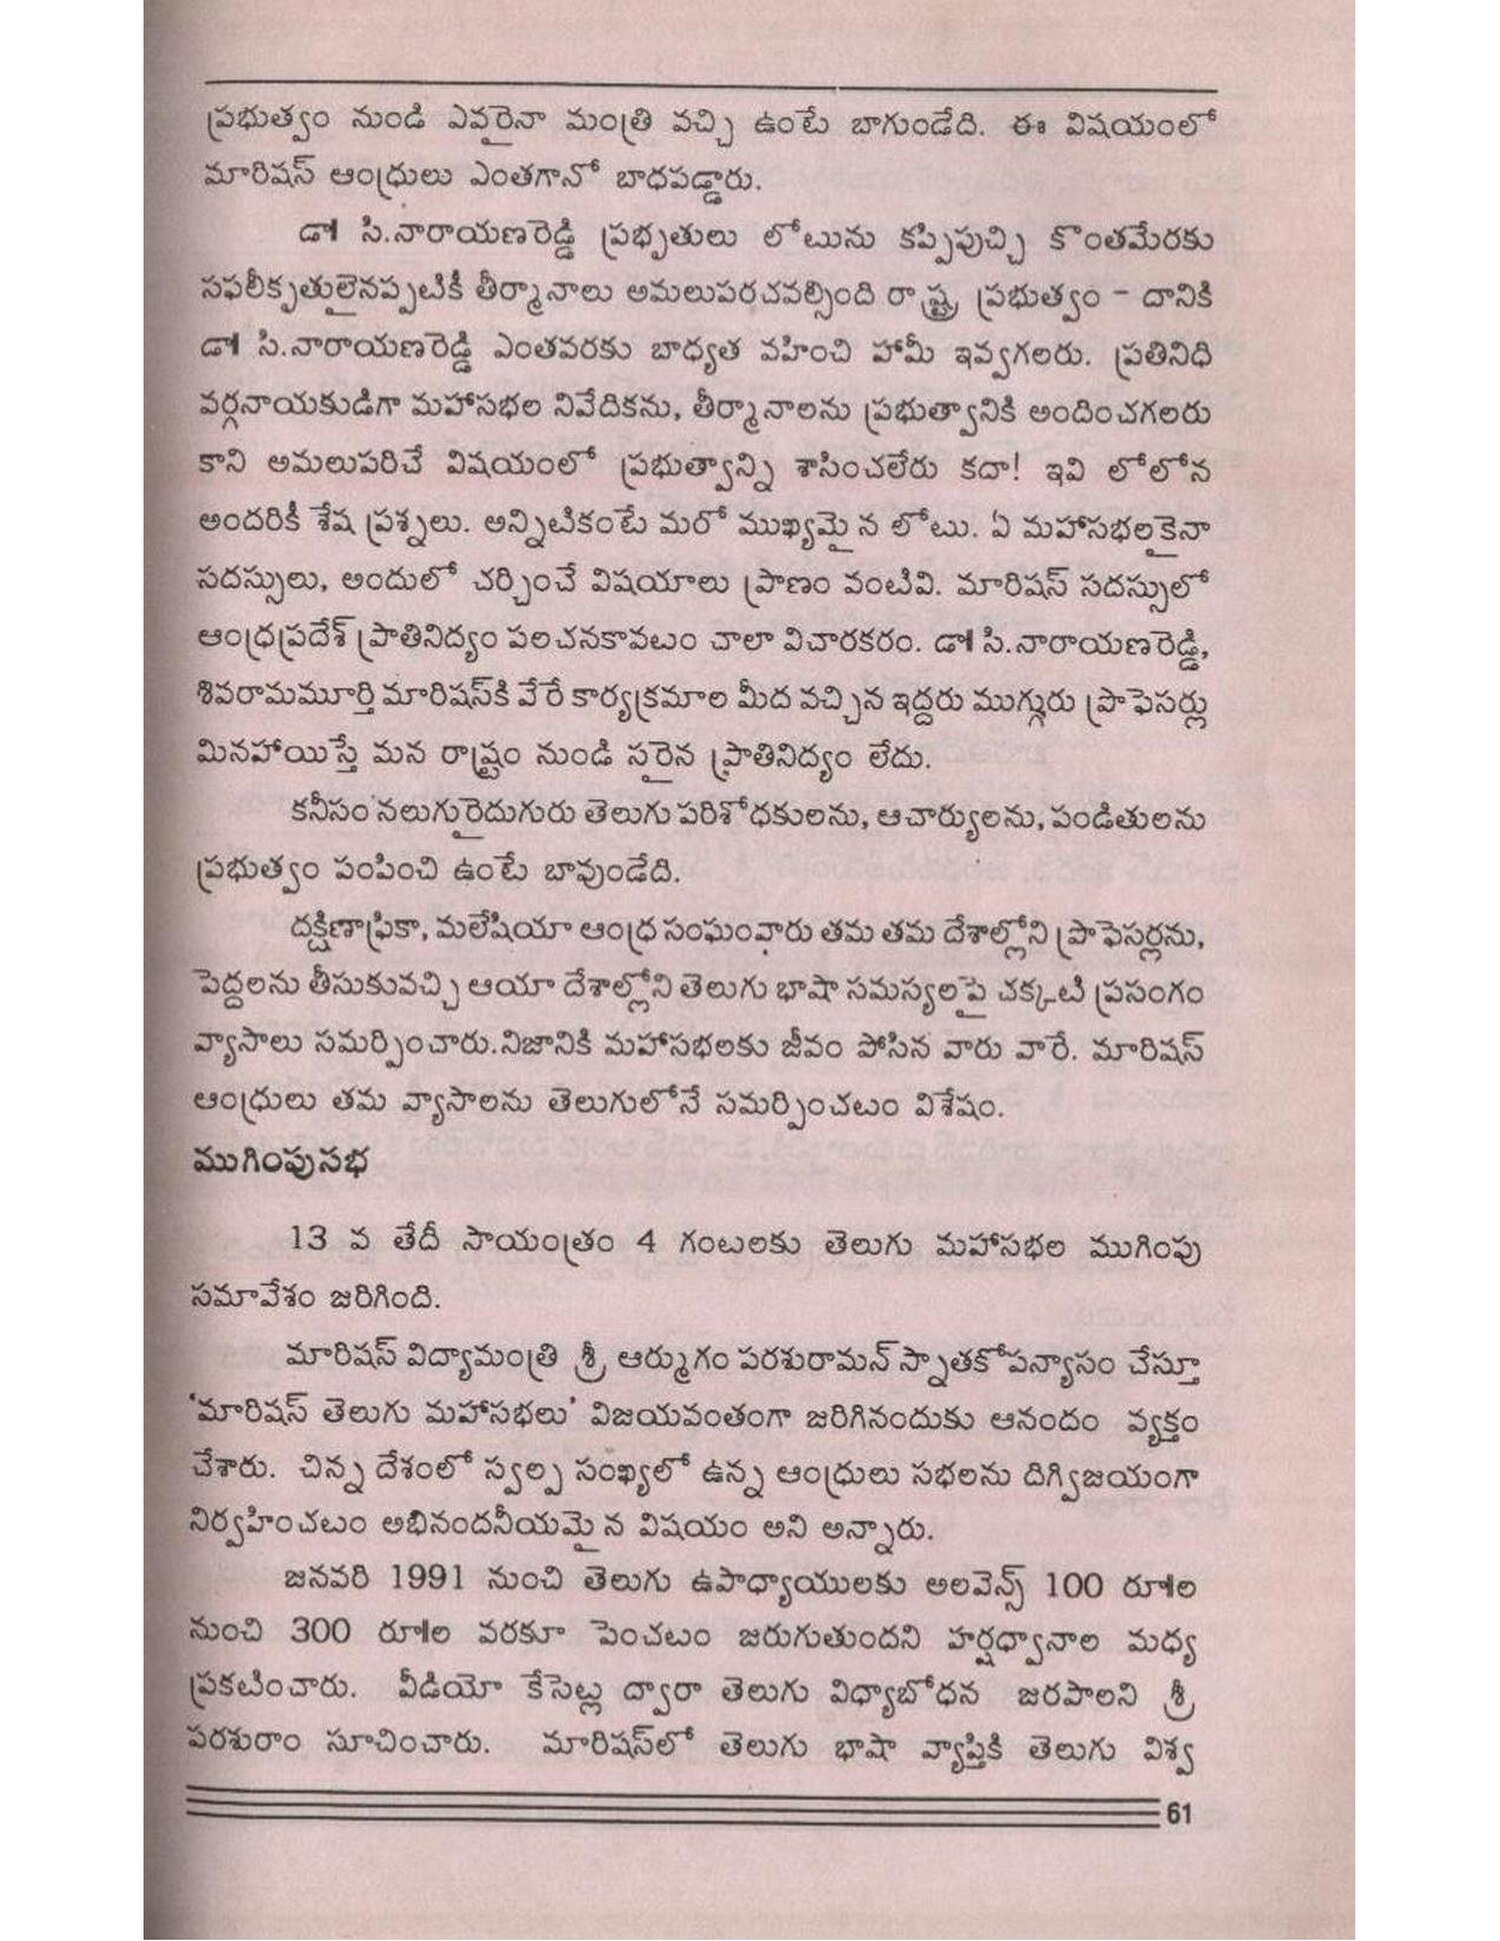ప్రభుత్వం నుండి ఎవరైనా మంత్రి వచ్చి ఉంటే బాగుండేది. ఈ విషయంలో మారిషస్ ఆంధ్రులు ఎంతగానో బాధపడ్డారు.

డా॥ సి.నారాయణరెడ్డి ప్రభృతులు లోటును కప్పిపుచ్చి కొంతమేరకు సఫలీకృతులైనప్పటికీ తీర్మానాలు అమలు పరచవల్సింది రాష్ట్ర ప్రభుత్వం - దానికి డా॥ సి.నారాయణరెడ్డి ఎంతవరకు బాధ్యత వహించి హామీ ఇవ్వగలరు. ప్రతినిధి వర్గనాయకుడిగా మహాసభల నివేదికను, తీర్మానాలను ప్రభుత్వానికి అందించగలరు కాని అమలుపరిచే విషయంలో ప్రభుత్వాన్ని శాసించలేరు కదా! ఇవి లోలోన అందరికీ శేష ప్రశ్నలు. అన్నిటికంటే మరో ముఖ్యమైన లోటు. ఏ మహాసభలకైనా సదస్సులు, అందులో చర్చించే విషయాలు ప్రాణం వంటివి. మారిషస్ సదస్సులో ఆంధ్రప్రదేశ్ ప్రాతినిద్యం పలచనకావటం చాలా విచారకరం. డా.సి.నారాయణరెడ్డి, శివరామమూర్తి మారిషస్‌కి వేరే కార్యక్రమాల మీద వచ్చిన ఇద్దరు ముగ్గురు ప్రొఫెసర్లు మినహాయిస్తే మన రాష్ట్రం నుండి సరైన ప్రాతినిద్యం లేదు.

కనీసం నలుగురైదుగురు తెలుగు పరిశోధకులను, ఆచార్యులను, పండితులను ప్రభుత్వం పంపించి ఉంటే బావుండేది.

దక్షిణాఫ్రికా, మలేషియా ఆంధ్ర సంఘంవారు తమ తమ దేశాల్లోని ప్రొఫెసర్లను, పెద్దలను తీసుకువచ్చి ఆయా దేశాల్లోని తెలుగు భాషా సమస్యలపై చక్కటి ప్రసంగం వ్యాసాలు సమర్పించారు.నిజానికి మహాసభలకు జీవం పోసిన వారు వారే. మారిషస్ ఆంధ్రులు తమ వ్యాసాలను తెలుగులోనే సమర్పించటం విశేషం.

ముగింపుసభ

13 వ తేదీ సాయంత్రం 4 గంటలకు తెలుగు మహాసభల ముగింపు సమావేశం జరిగింది.

మారిషస్ విద్యామంత్రి శ్రీ ఆర్ముగం పరశురామన్ స్నాతకోపన్యాసం చేస్తూ 'మారిషస్ తెలుగు మహాసభలు' విజయవంతంగా జరిగినందుకు ఆనందం వ్యక్తం చేశారు. చిన్న దేశంలో స్వల్ప సంఖ్యలో ఉన్న ఆంధ్రులు సభలను దిగ్విజయంగా నిర్వహించటం అభినందనీయమైన విషయం అని అన్నారు.

జనవరి 1991 నుంచి తెలుగు ఉపాధ్యాయులకు అలవెన్స్ 100 రూ.ల నుంచి 300 రూ.ల వరకూ పెంచటం జరుగుతుందని హర్షధ్వానాల మధ్య ప్రకటించారు. వీడియో కేసెట్ల ద్వారా తెలుగు విధ్యాబోధన జరపాలని శ్రీ పరశురాం సూచించారు. మారిషస్‌లో తెలుగు భాషా వ్యాప్తికి తెలుగు విశ్వ